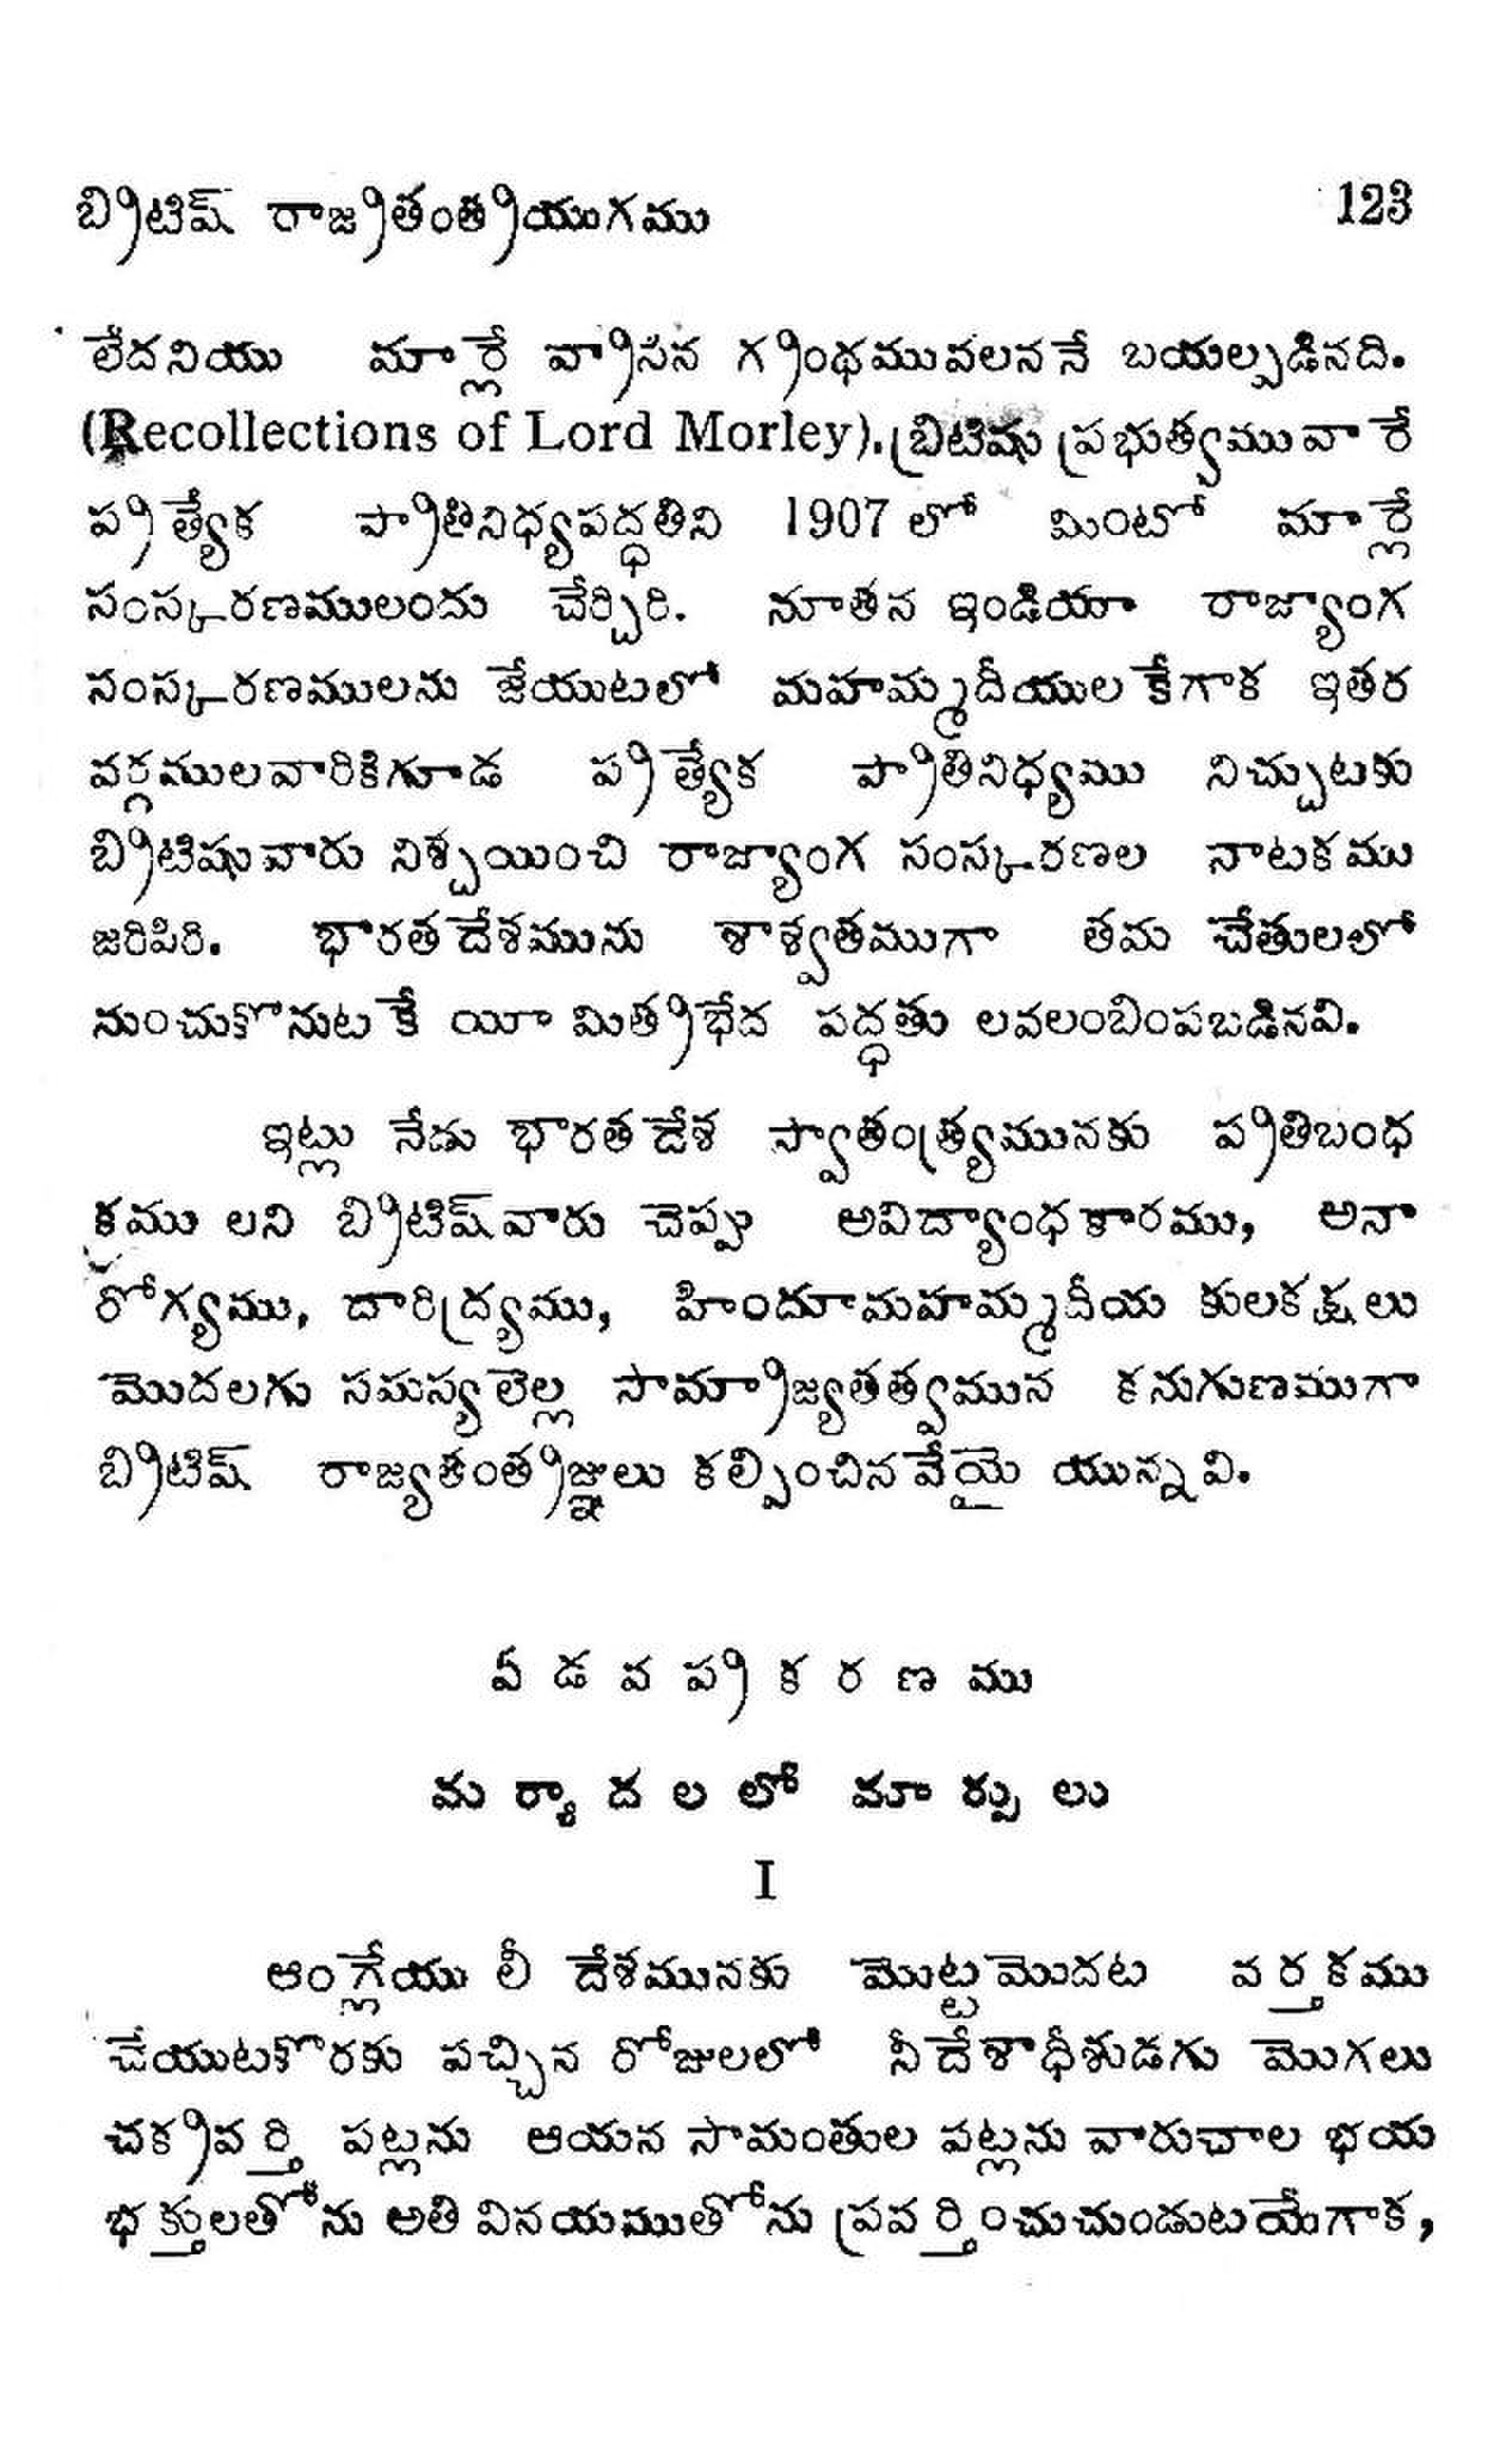లేదనియు మార్లే వ్రాసిన గ్రంథమువలననే బయల్పడినది. (Recollections of Lord Morley). బ్రిటిషు ప్రభుత్వమువా రే ప్రత్యేక ప్రాతినిధ్యపద్ధతిని 1907 లో మింటో మార్లే సంస్కరణములందు చేర్చిరి. నూతన ఇండియా రాజ్యాంగ సంస్కరణములను జేయుటలో మహమ్మదీయుల కేగాక ఇతర వర్గములవారికిగూడ ప్రత్యేక ప్రాతినిధ్యము నిచ్చుటకు బ్రిటిషువారు నిశ్చయించి రాజ్యాంగ సంస్కరణల నాటకము జరిపిరి. భారతదేశమును శాశ్వతముగా తమ చేతులలో నుంచుకొనుట కే యీ మిత్రభేద పద్దతు లవలంబింపబడినవి.

ఇట్లు నేడు భారతదేశ స్వాతంత్ర్యమునకు ప్రతిబంధకము లని బ్రిటిష్‌వారు చెప్పు అవిద్యాంధకారము, అనారోగ్యము, దారిద్ర్యము, హిందూమహమ్మదీయ కులకక్షలు మొదలగు సమస్యలెల్ల సామ్రాజ్యతత్వమున కనుగుణముగా బ్రిటిష్ రాజ్యతంత్రజ్ఞులు కల్పించినవేయై యున్నవి.

ఏడవప్రకరణము 
మర్యాదలలో మార్పులు
I

ఆంగ్లేయు లీ దేశమునకు మొట్టమొదట వర్తకము చేయుటకొరకు వచ్చిన రోజులలో నీ దేశాధీశుడగు మొగలు చక్రవర్తి పట్లను ఆయన సామంతుల పట్లను వారుచాల భయభక్తులతోను అతి వినయముతోను ప్రవర్తించుచుండుటయేగాక,